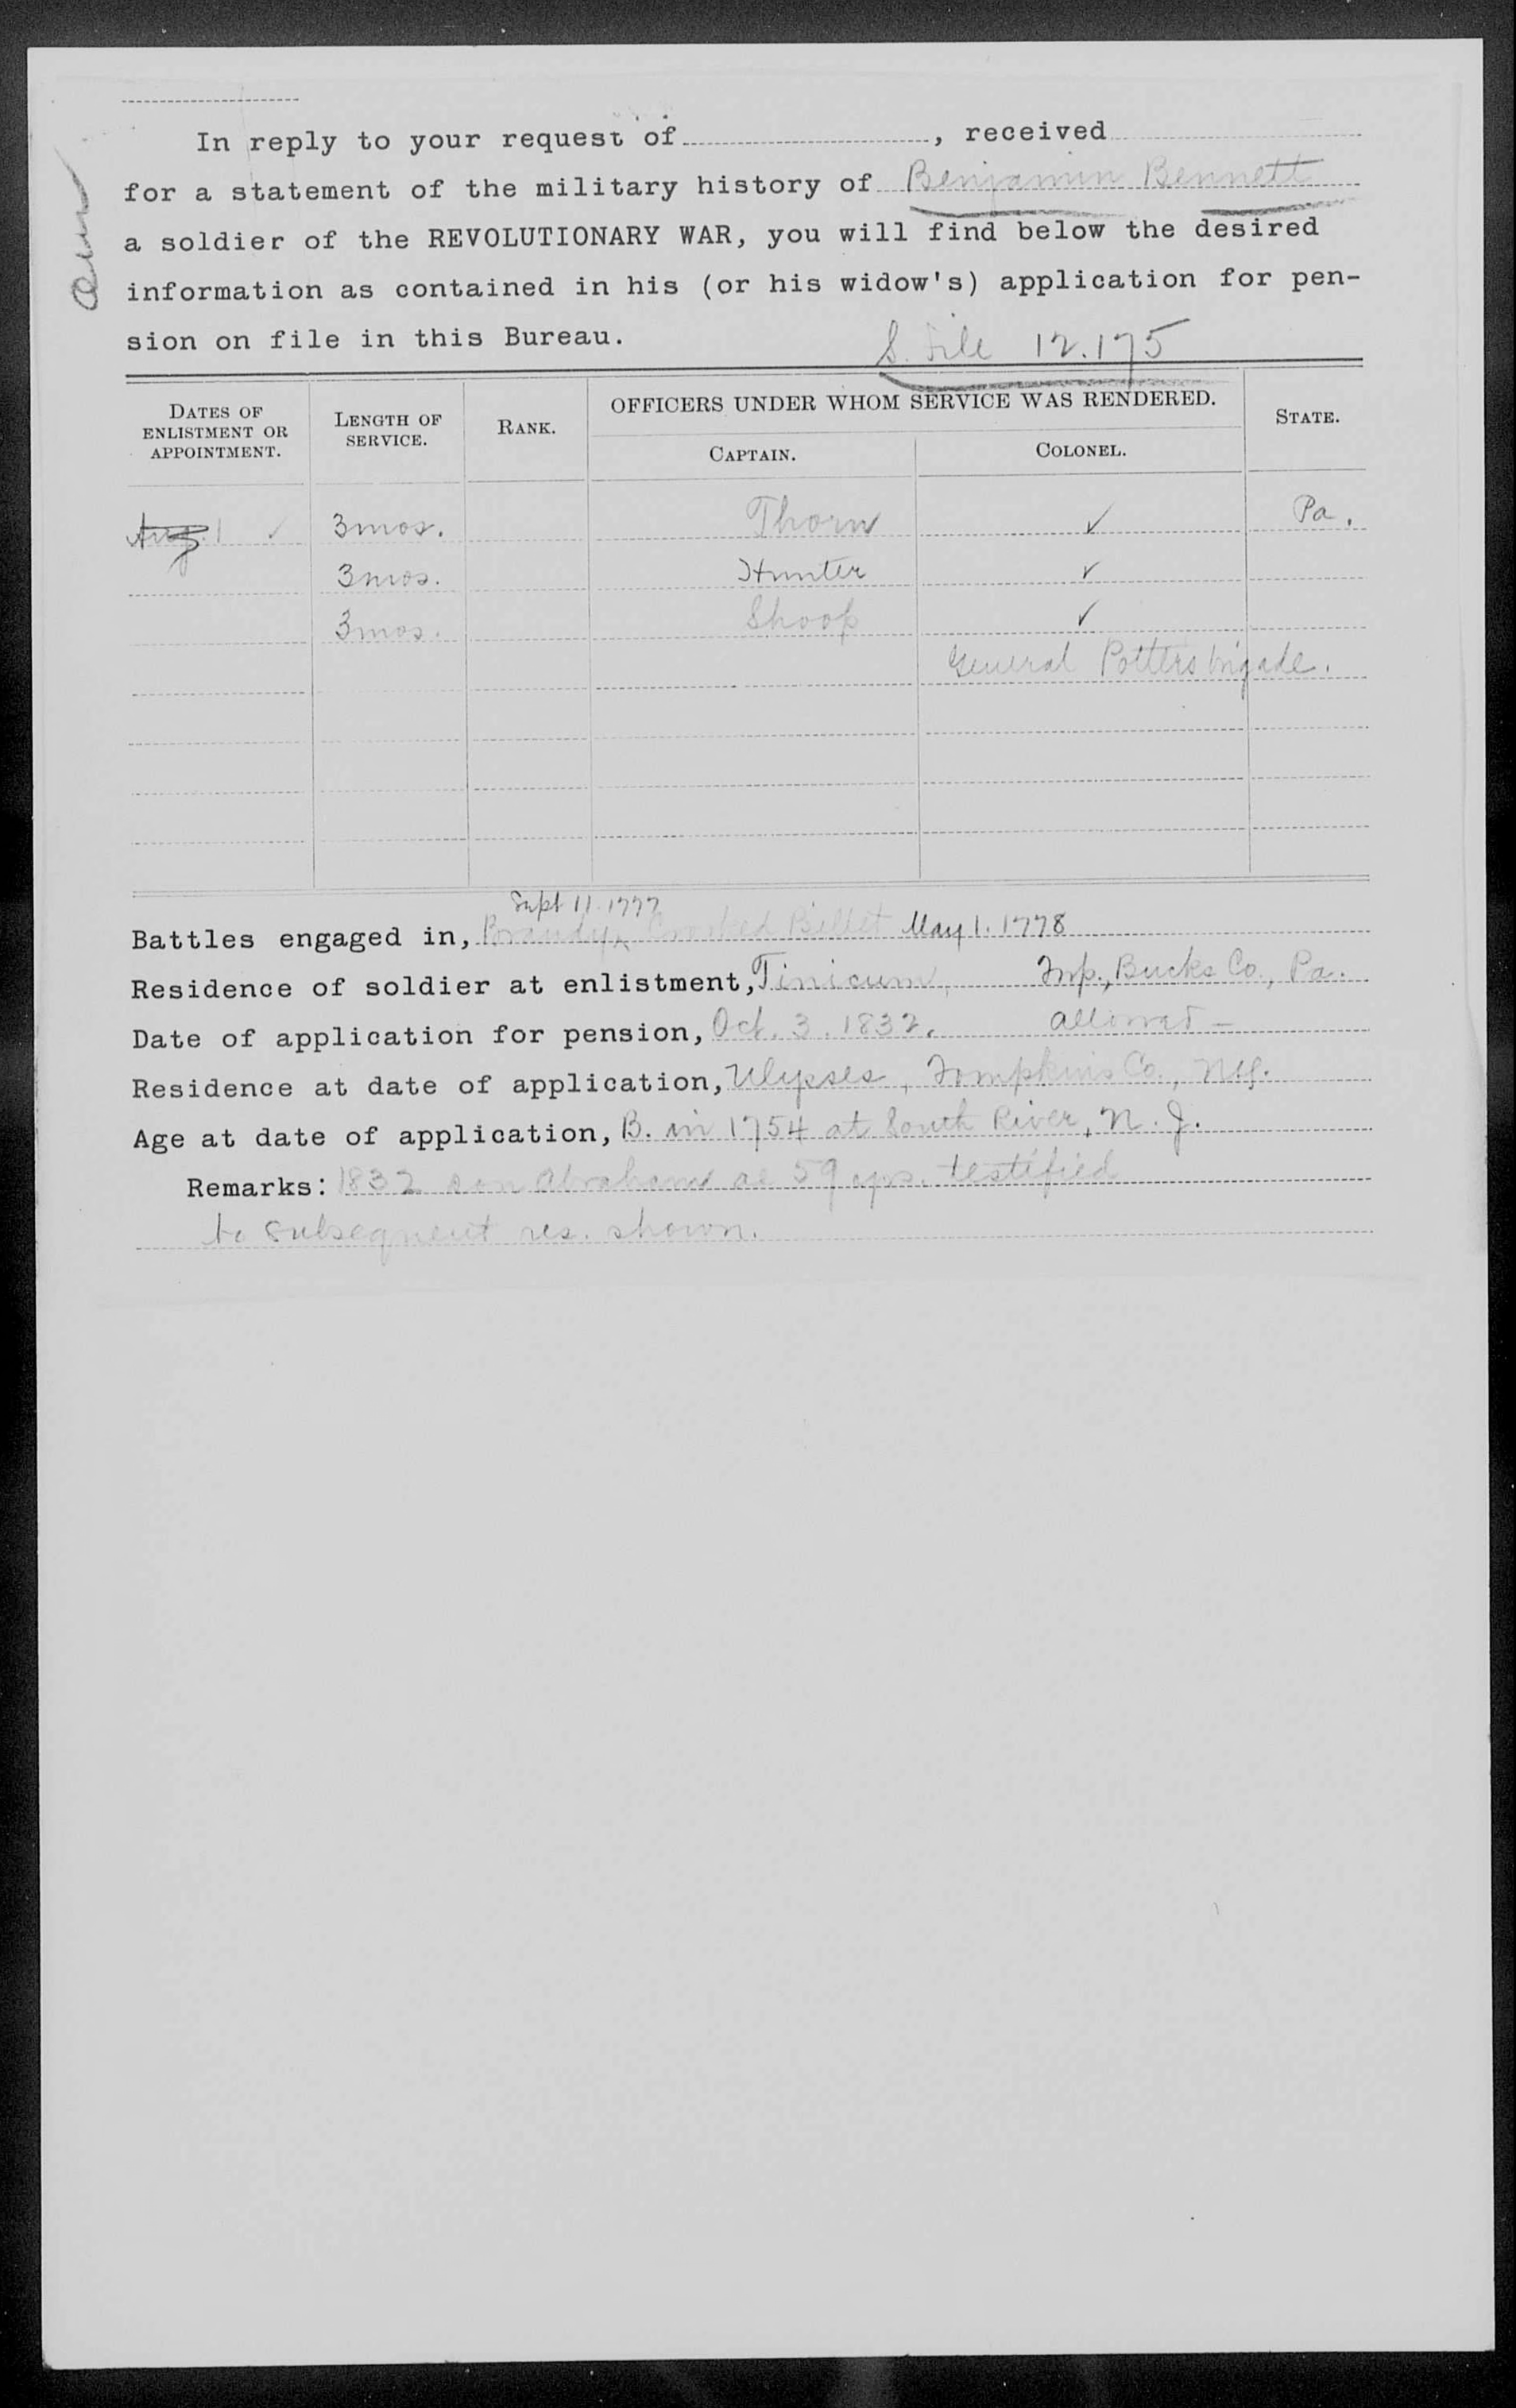[Ovr -- hand written in top left corner of page] 
[printed form with hand written responses] 
In reply to your request of ____ , received ____ for a statement of the military history of Benjamin Bennett [name underlined] a soldier of the REVOLUTIONARY WAR, you will find below the desired information as contained in his (or his widow's) application for pension on file in this Bureau.  S. File 12.175 

[table with 6 columns and 4 rows including row of column headings]
[row 1 column headings] DATES OF ENLISTMENT OR APPOINTMENT. | LENGTH OF SERVICE. | RANK. | OFFICERS UNDER WHOM SERVICE WAS RENDERED. CAPTAIN. | COLONEL. | STATE.
[row 2] [Aug.1 -- crossed out] [check mark] | 3 mos. |  | Thorn | [check mark] | Pa. 
[row 3]  | 3 mos. |  | Hunter | [check mark] |
[row 4]  | 3 mos. |  | Shoop | [check mark] General Potters brigade. |

Battles engaged in, Brandy [Sept 11 1777 -- inserted] Crooked Billet May 1. 1778
Residence of soldier at enlistment, Tinicum Tnp., Bucks Co, Pa.
Date of application for pension, Oct. 3, 1832. Allowed. 
Residence at date of application, Ulysses, Tompkins Co. NY.
Age at date of application, B. in 1954 at South River, N. J.
Remarks: 1832 son Abraham at 59 yrs. testified to subsequent res. shown.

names: Hunter, Potters, Benjamin Bennett, Shoop, Thorn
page: 10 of 16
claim: survivor's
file: S. 12175, Benjamin Bennett, Penn.